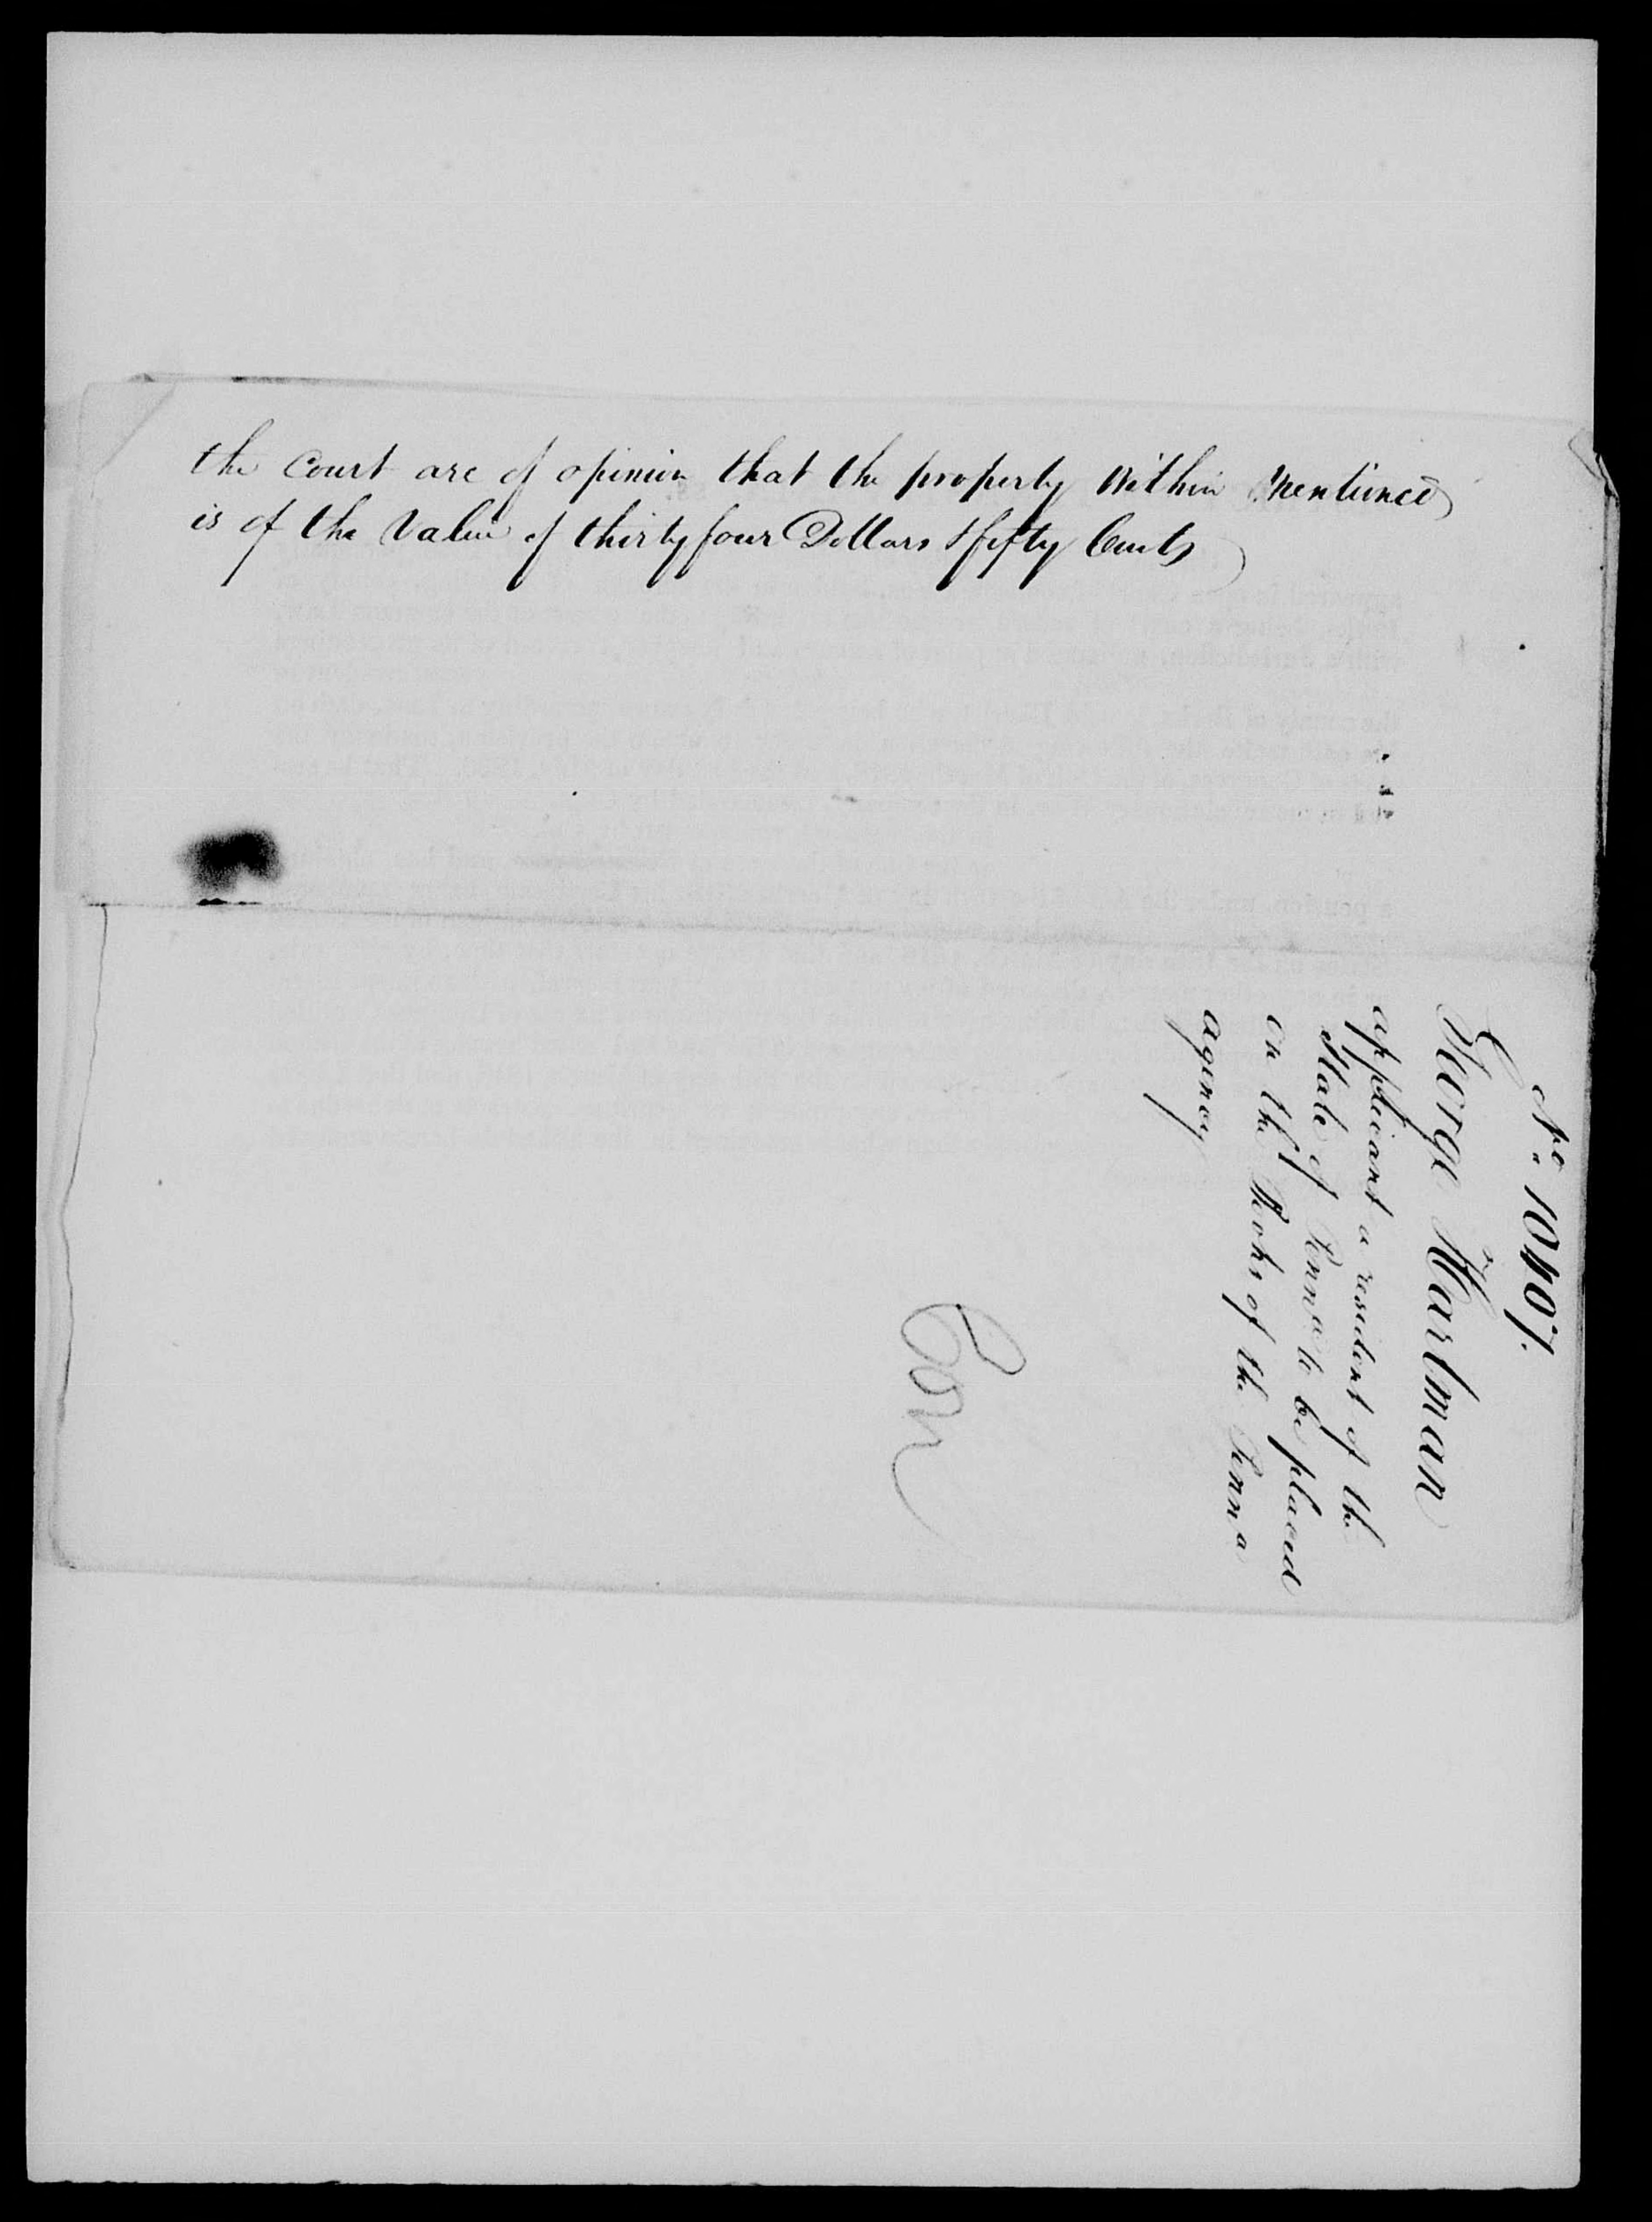the Court are of opinion that the property within [illegible]
is of the value of thirty four Dollars & fifty cents

No 10407
George Hartman
applicant a resident of the
State of Penn'a to be placed
on the Books of the Penn'a
agency

Con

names: George Hartman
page: 9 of 29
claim: widow's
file: W. 2,789, George Hartman, New Jersey